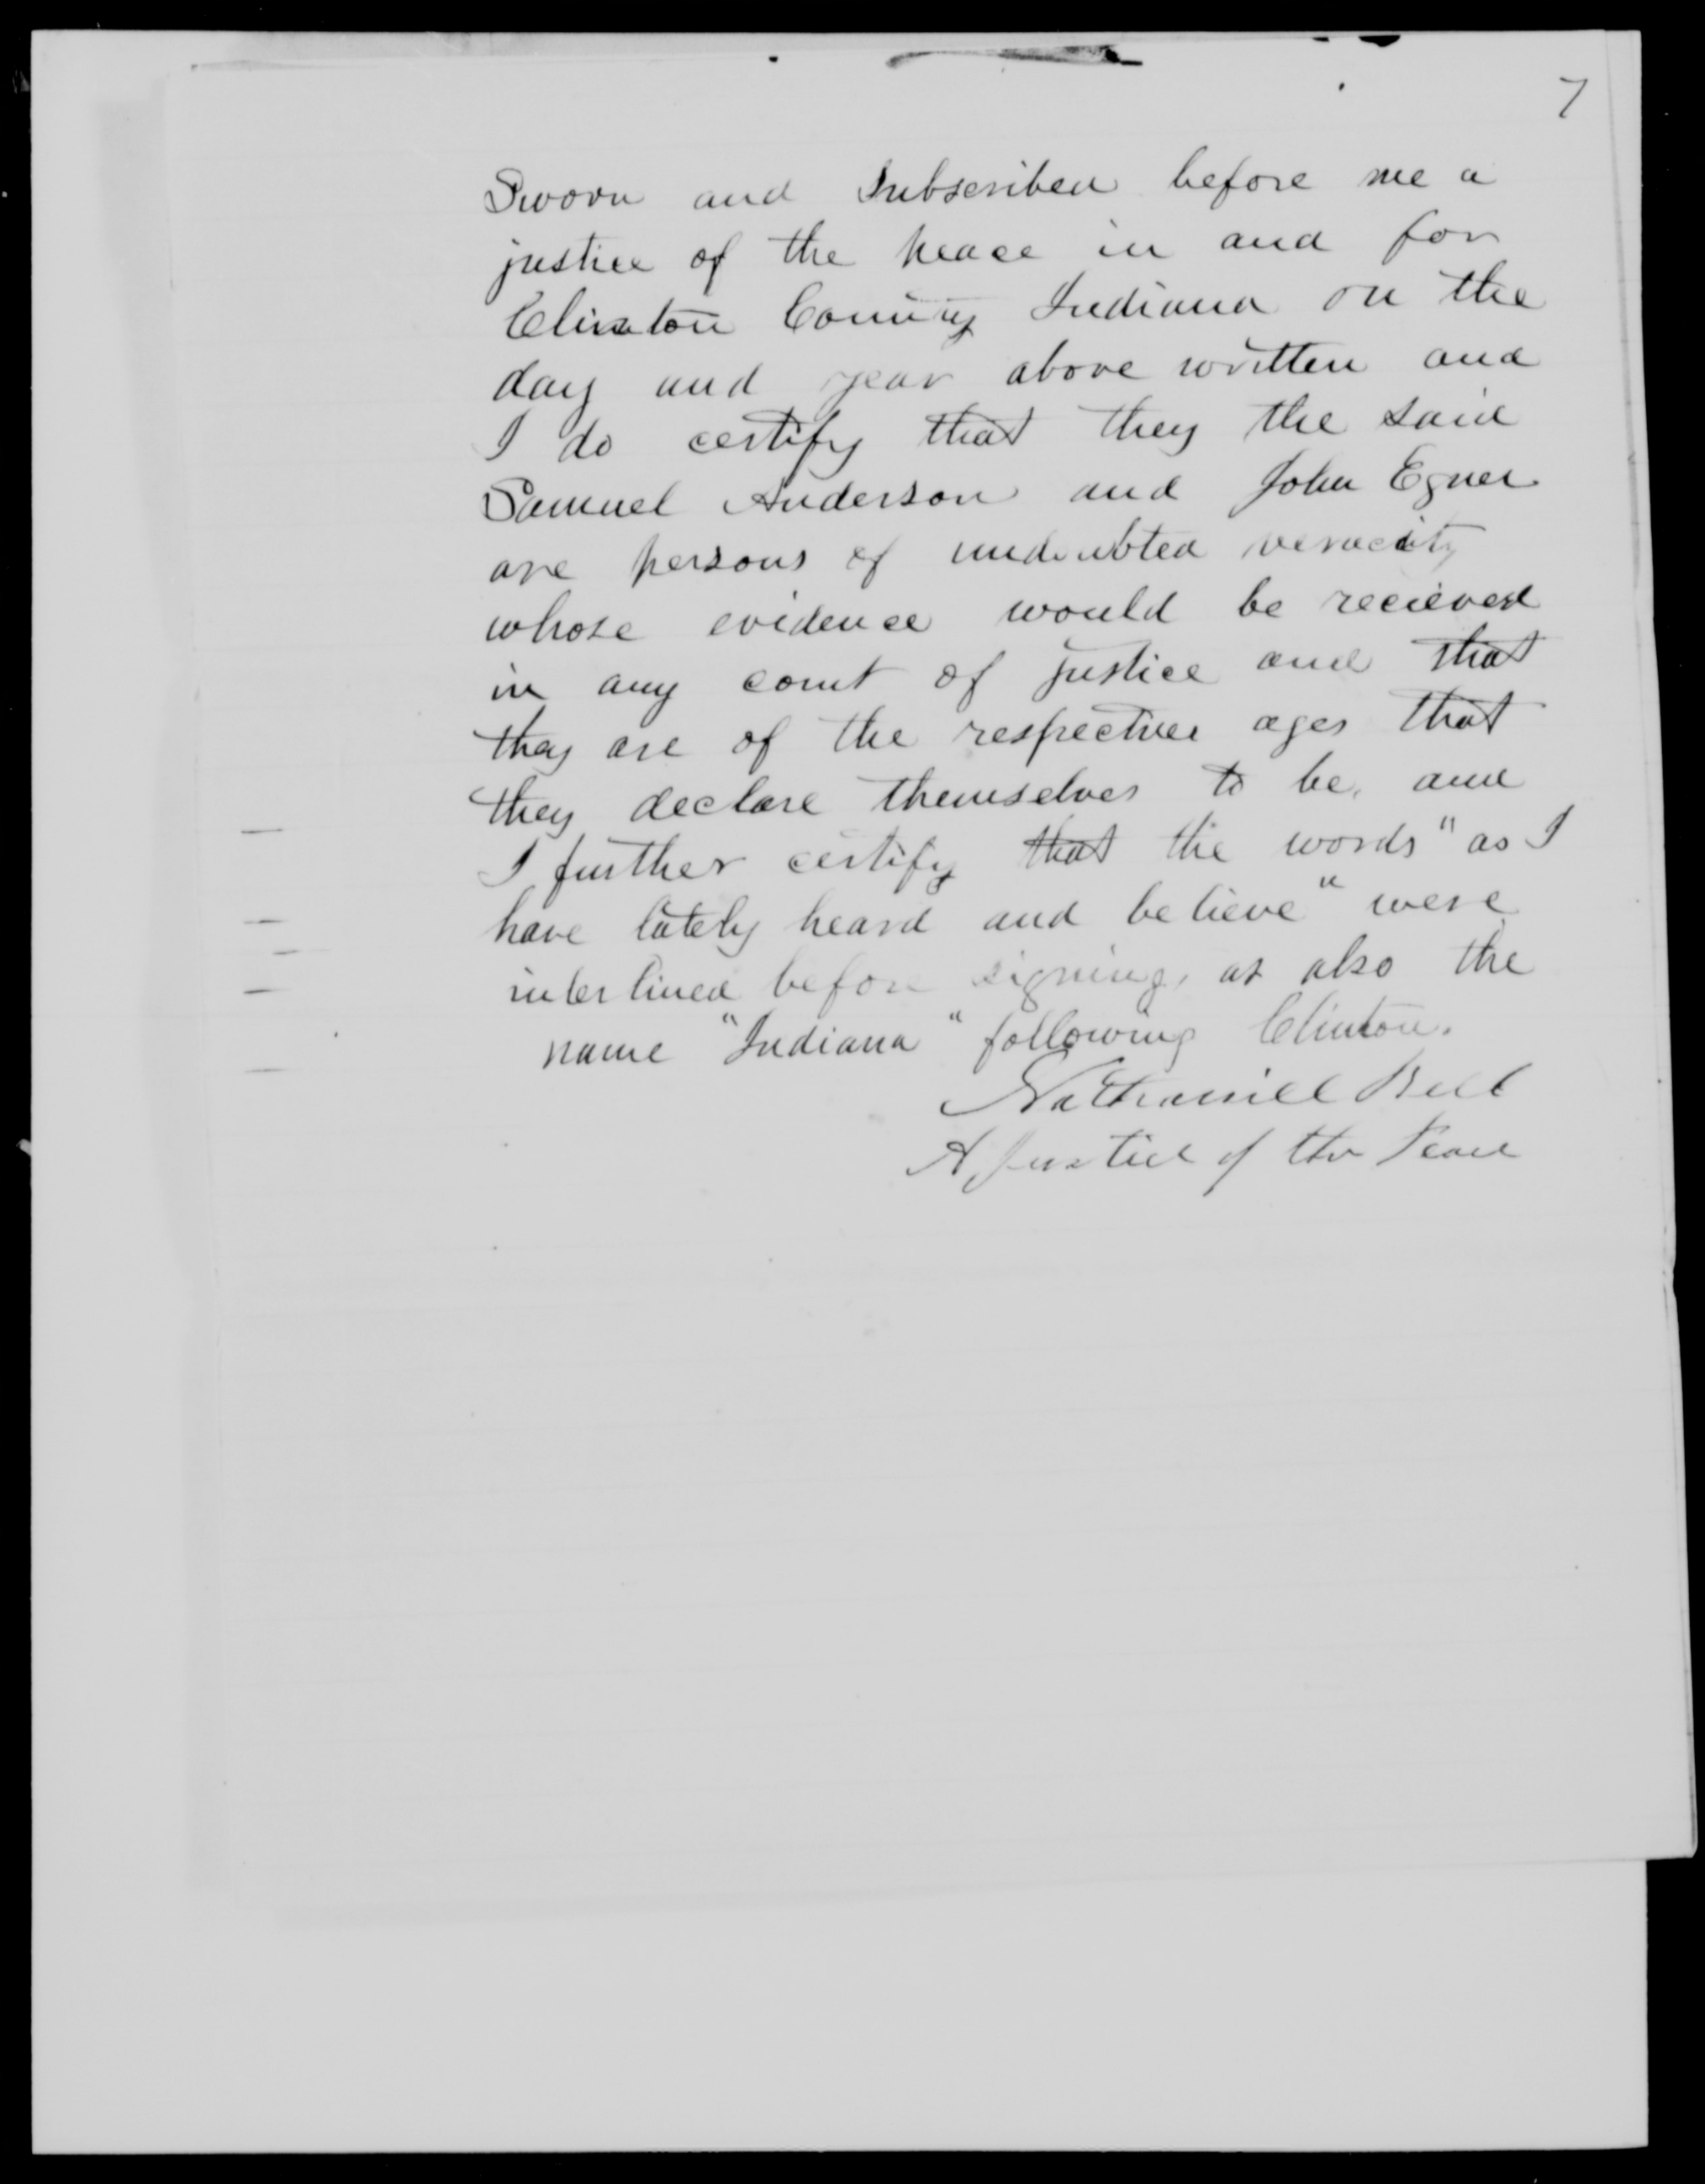7
Sworn and subscribed before me a
justice of the peace in and for
Clinton County Indiana on the
day and year above written and
I do certify that they the said
Samuel Anderson and John Egner
are persons of undoubted veracity
whose evidence would be received
in any court of Justice and that
they are of the respective ages that
they declare themselves to be, and
I further certify that the words "as I
have lately heard and believe“ were
interlined before signing, as also the
name "Indiana” following Clinton.
Nathaniel Bell
A Justice of the Peace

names: Nathaniel Bell, John Egner, Samuel Anderson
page: 94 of 123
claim: rejected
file: R. 11,949, Matthias Young, Md.